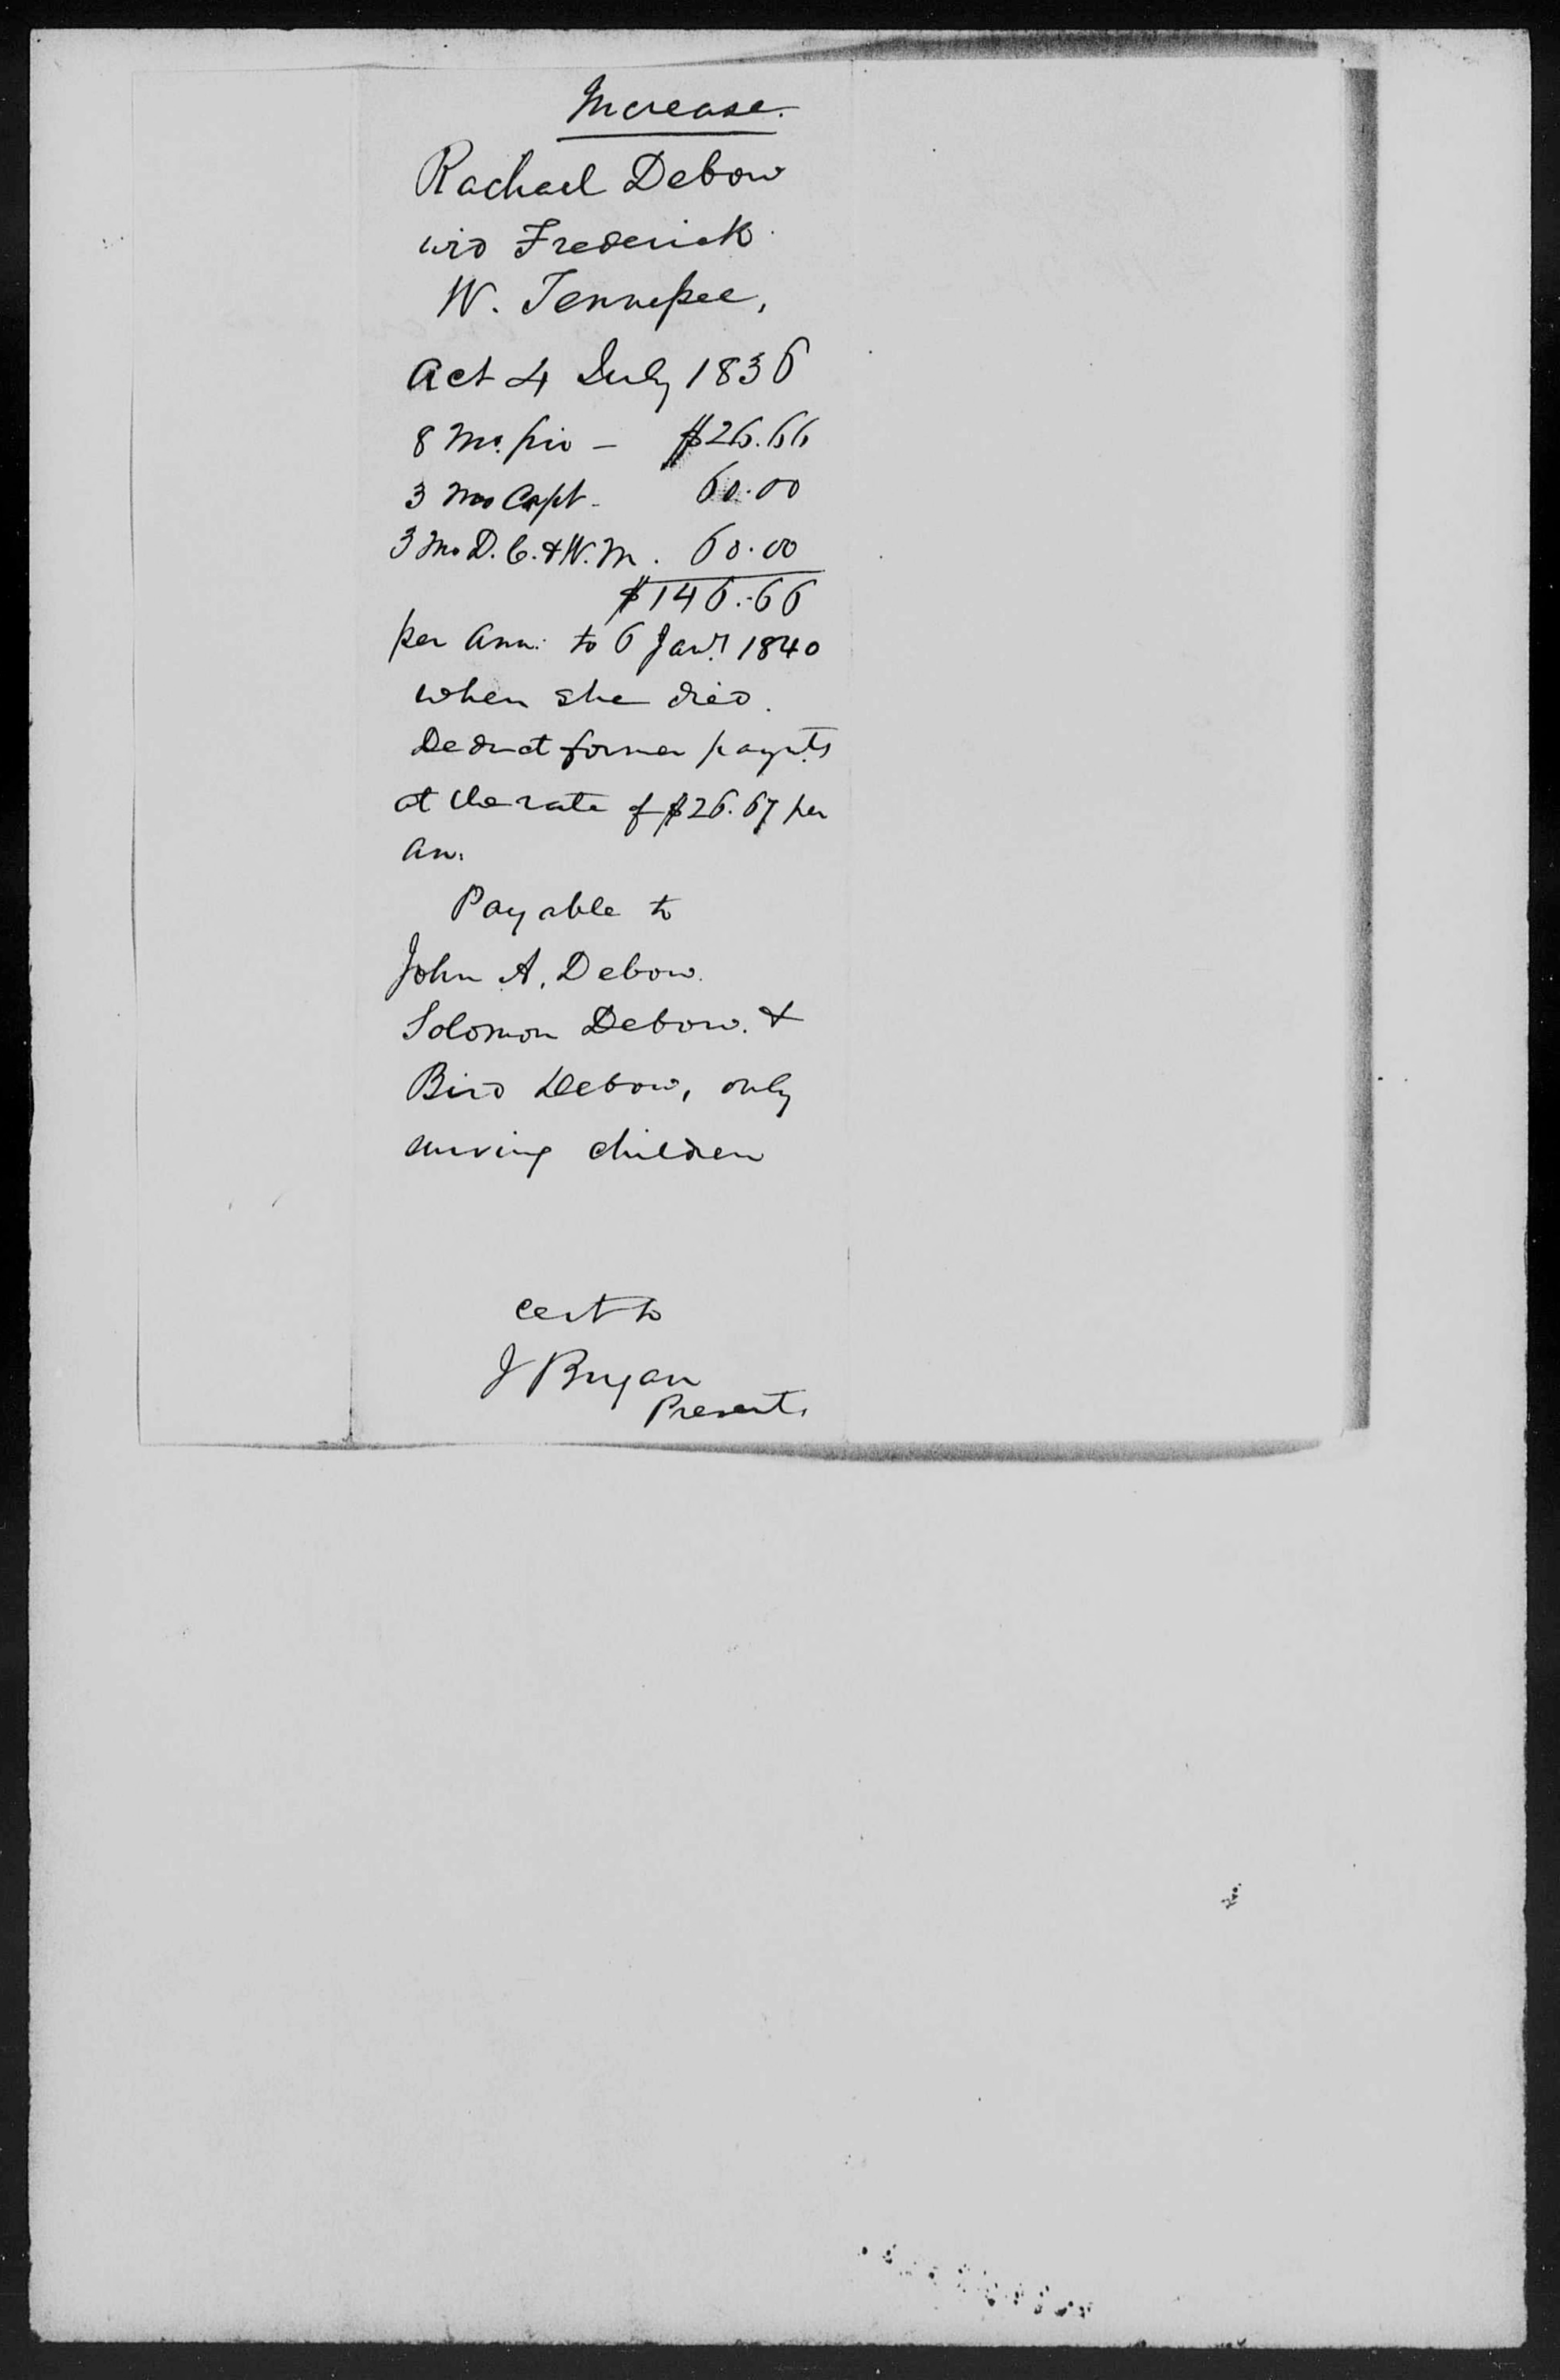Increase
Rachel Debow
Widow Frederick 
W. Tennessee.
Act 4 July 1836
8 months [illegible] - $26.66
3 months Captain       60.00
3 months D.C. & W.M. 60.00
                                      -----
                                    $146.66
PER ANNUM TO 6 Jan 1840
When she died
De[ceased] or at  former payments
At the rate of $2667 her
An[num]
Payable to 
John A. Debow
Solomon Debow +
Bird Debow, only 
Surviving children

Cert to 
J Bryan 
Present.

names: J Bryan, John A Debow, Frederick Debow, Solomon Debow, Rachel Debow, Bird Debow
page: 22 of 62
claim: widow's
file: W 7005, Frederick Debow, N.C.